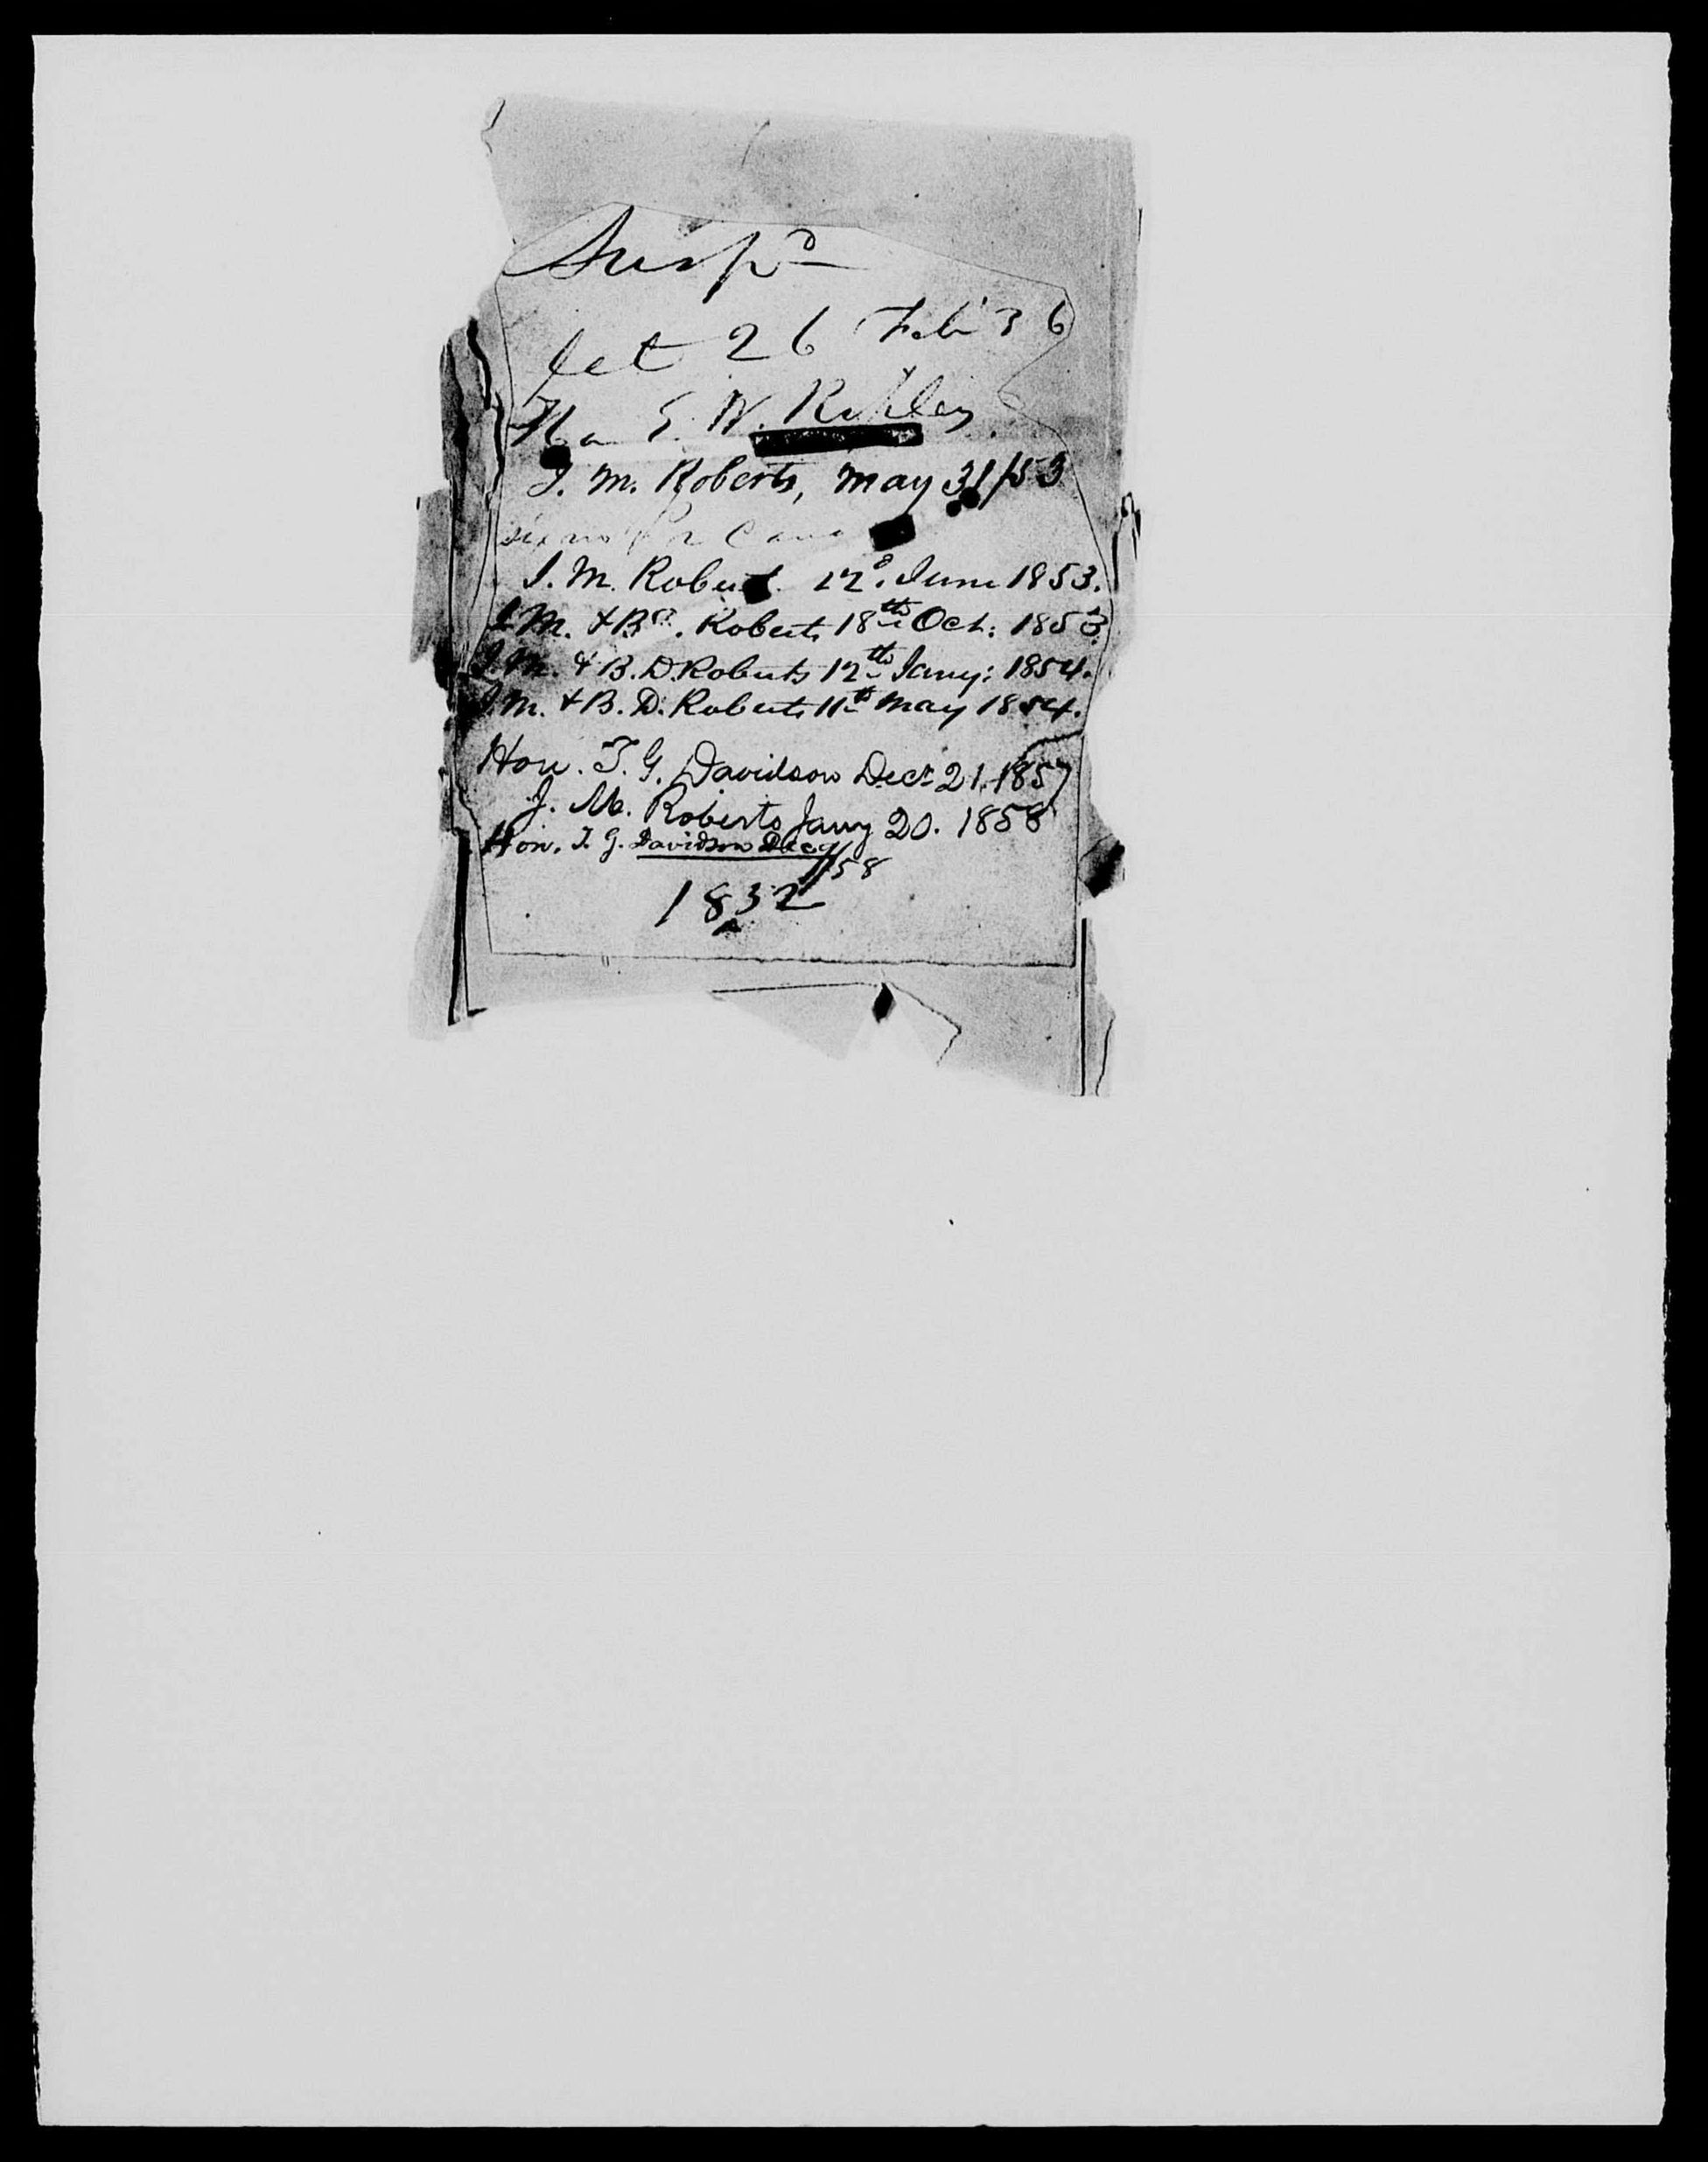Suspd
Let 26 Feb '36
Hon E W. Ripley
J M Roberts, May 31  /53
six mo Pr Caro
 J. M. Roberts  22nd June 1853.
J M. & B D. Roberts 18th Oct: 1853.
J. M. & B. D. Roberts 12th Jany: 1854.
J. M. & B. D. Roberts 11th May 1854.

Hon. T. G. Davidson Dec 21. 1857
J. M. Roberts Jany 20. 1858
Hon. T. G. Davidson Dec 9/58

1832

,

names: J M Roberts, T G Davidson, J M Roberts, J M Roberts, B D Roberts, E W Ripley, J M Roberts, B D Roberts, J M Roberts, B D Roberts, J M Roberts, T G Davidson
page: 40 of 48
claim: rejected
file: R. 2173, James P Collins, S. C.